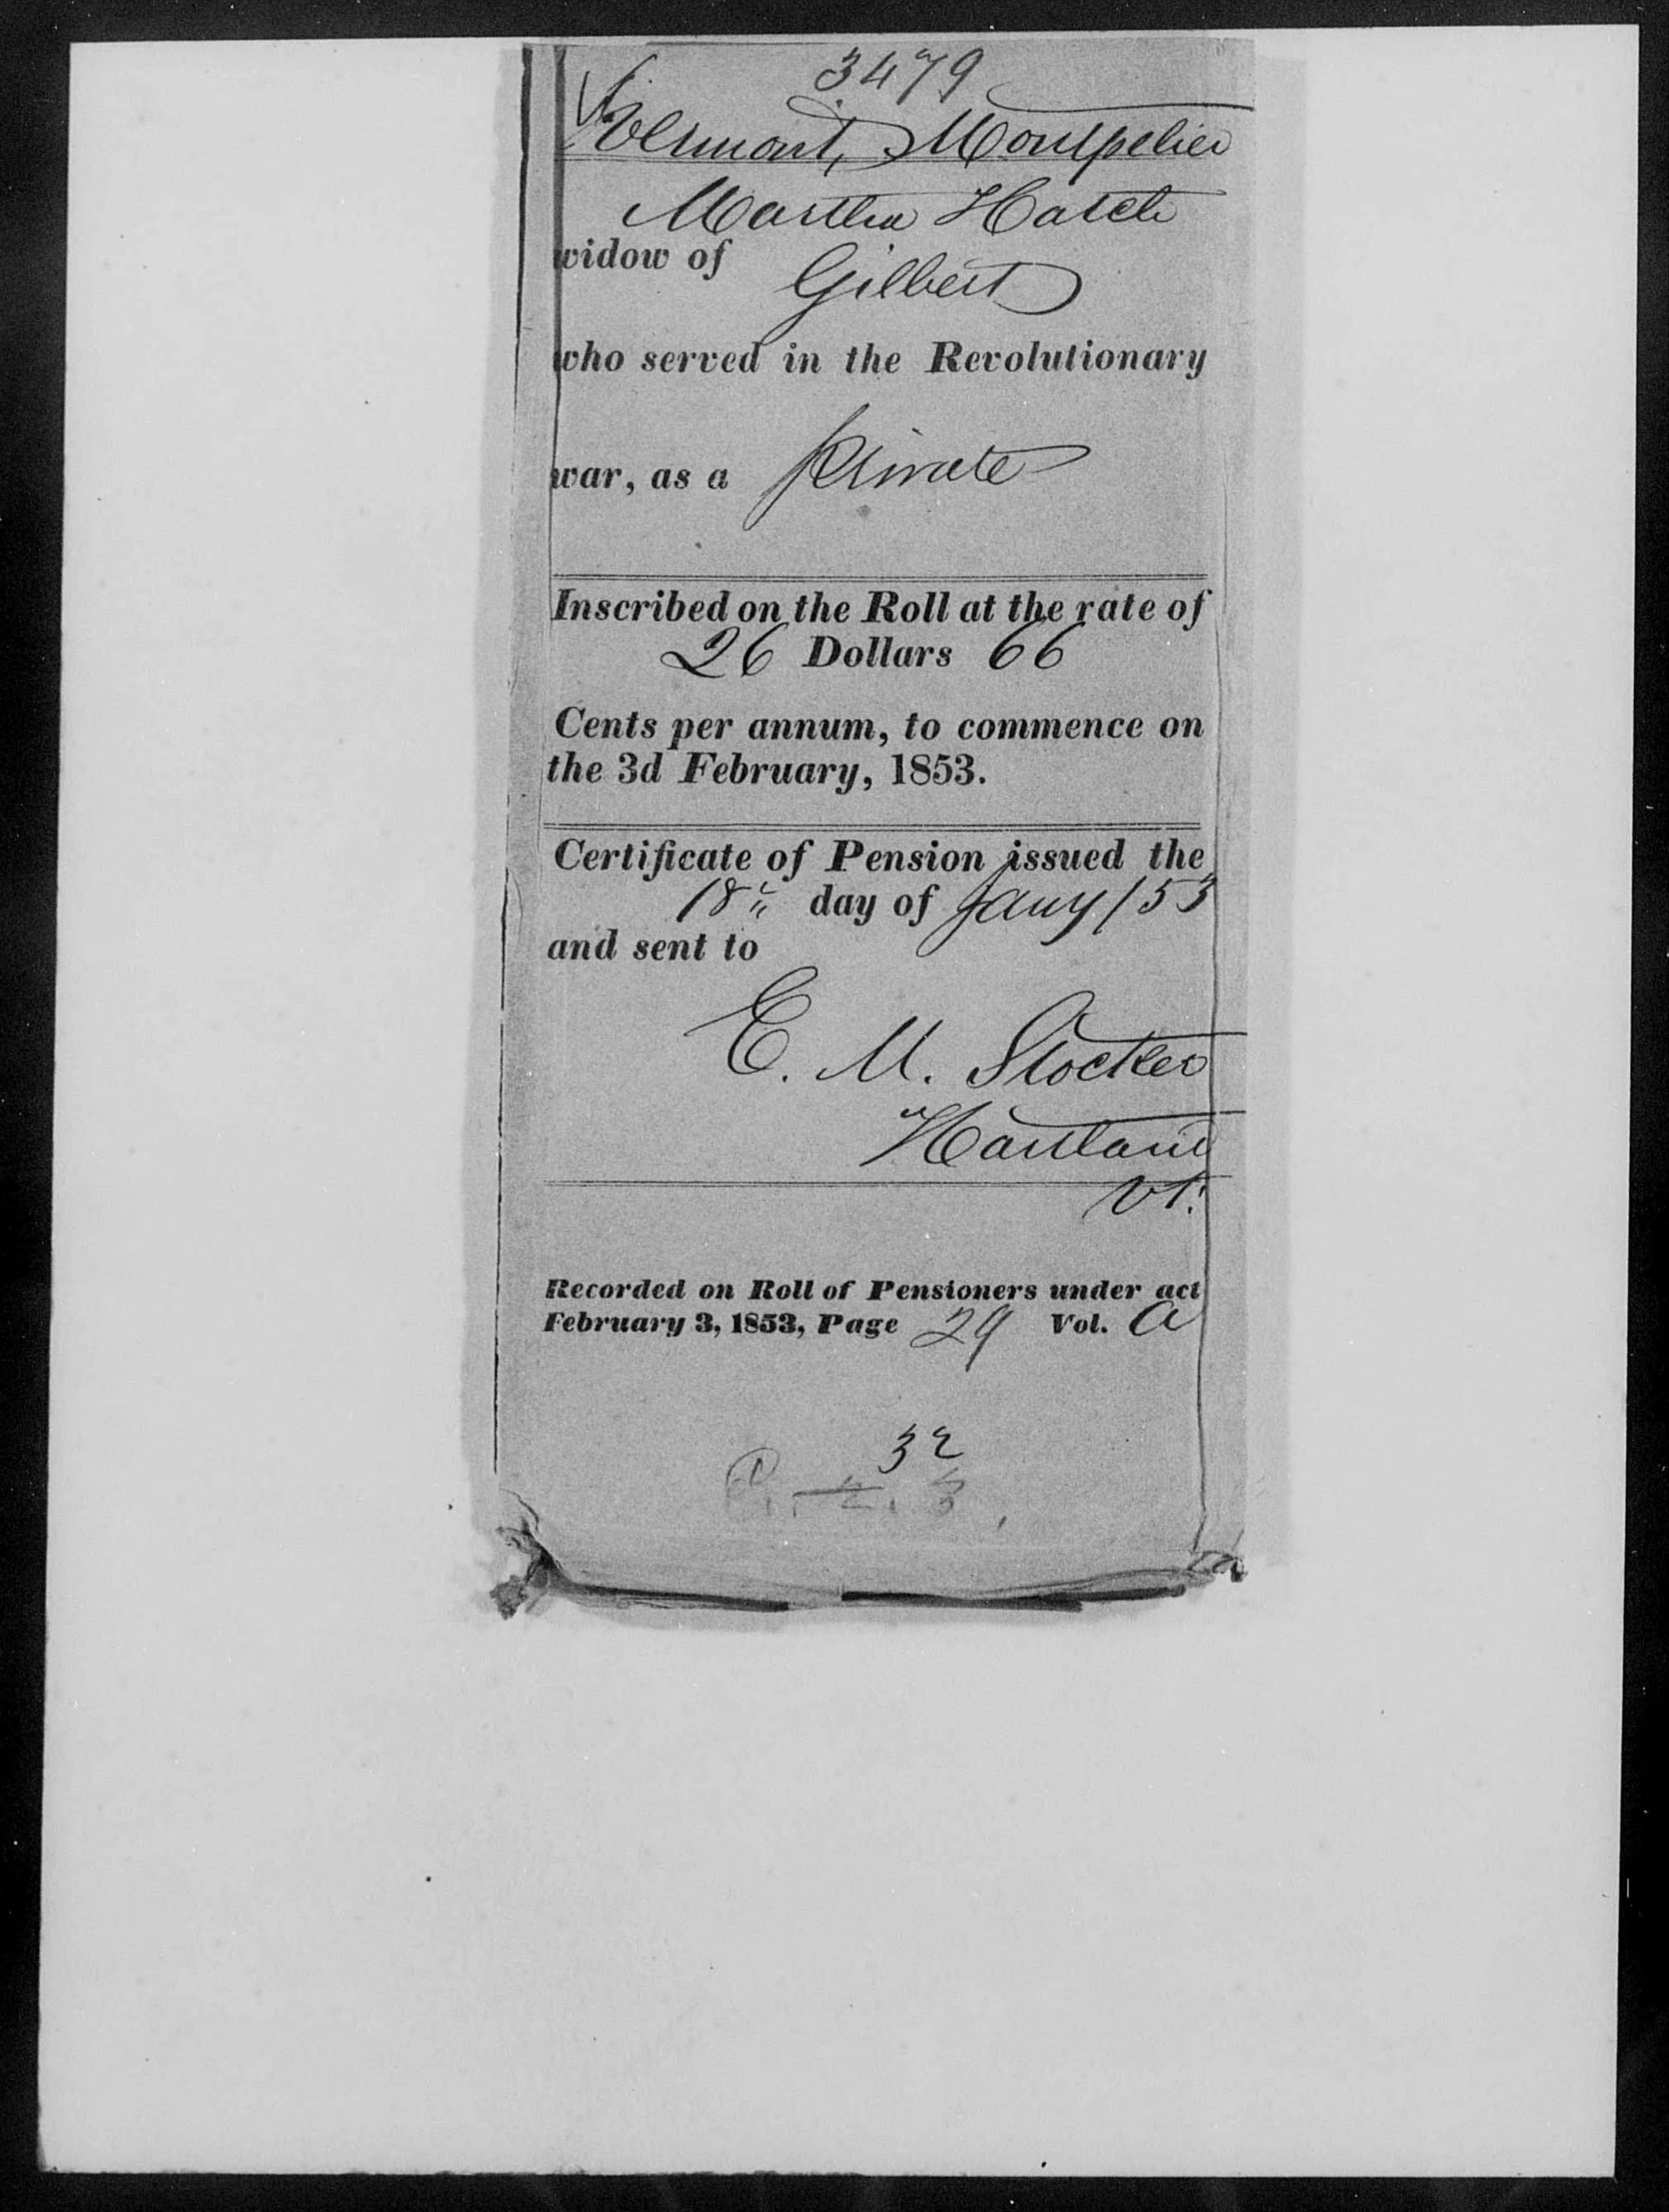3479
Vermont, Montpelier
Martha Hatch
widow of Gilbert
who served in the Revolutionary war, as a private

Inscribed on the Roll at the rate of 26 Dollars 66 Cents per annum, to commence on the 3d February, 1853.

Certificate of Pension issued the 18th day of Jany / 53 and sent to E. M. Stocker Hartland Vt.

Recorded on Roll of Pensioners under act February 3, 1853, Page 29 Vol, A

E-3E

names: Gilbert Hatch, E M Stocker, Martha Hatch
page: 45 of 47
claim: widow's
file: W. 225, Gilbert Hatch, Conn.